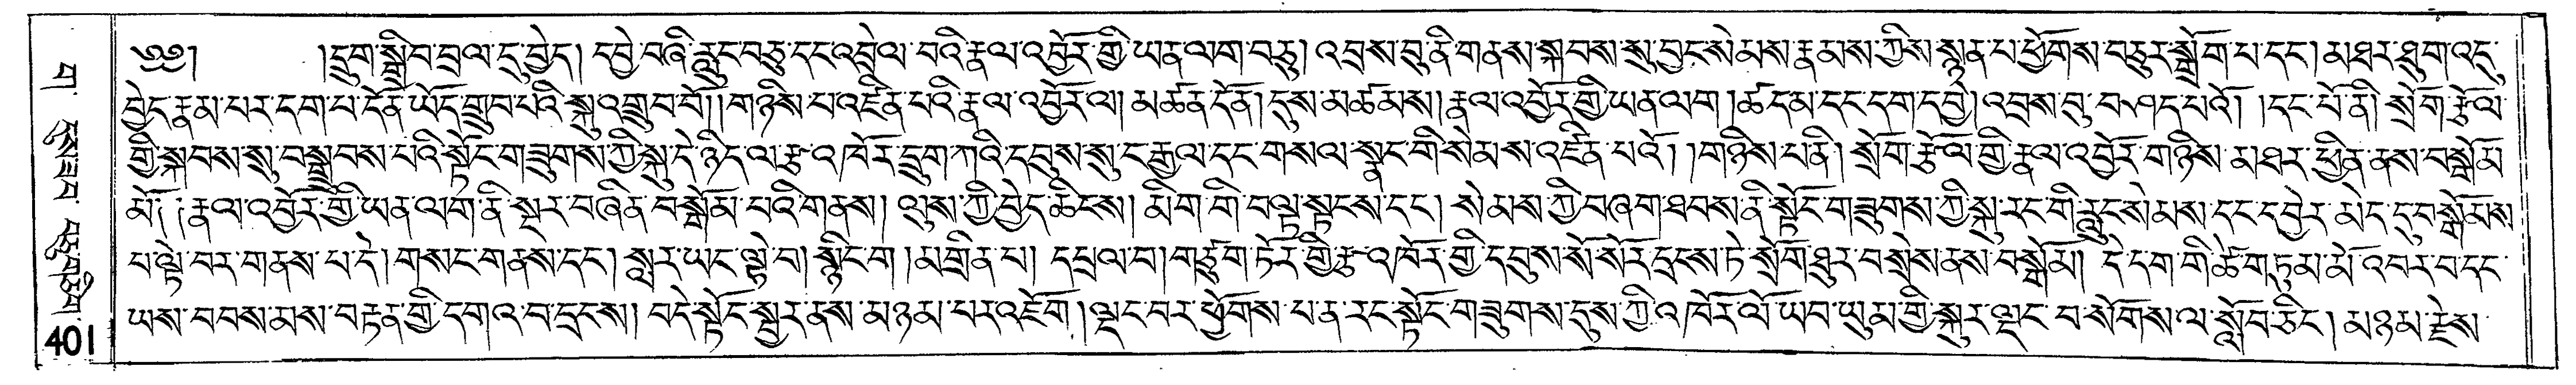༄༅། །དྲུག་སྒྲིབ་བྲལ་དུ་བྱེད། དབྱེ་བཞི་རླུང་བཅུ་དང་འབྲེལ་བའི་རྣལ་འབྱོར་གྱི་ཡན་ལག་བཅུ། འབྲས་བུ་ནི་གནས་སྐབས་སུ་བྱང་སེམས་རྣམས་ཀྱིས་སྙན་པ་ཕྱོགས་བཅུར་སྒྲོག་པ་དང་། མཐར་ཐུག་འདུ་
བྱེད་རྣམ་པར་དག་པ་དོན་ཡོད་གྲུབ་པའི་སྐུ་འགྲུབ་བོ། །གཉིས་པ་འཛིན་པའི་རྣལ་འབྱོར་ལ། མཚན་དོན། དུས་མཚམས། རྣལ་འབྱོར་གྱི་ཡན་ལག །ཚད་མ་དང་དག་དབྱེ། འབྲས་བུ་བཤད་པའོ། །དང་པོ་ནི། སྲོག་རྩོལ་
གྱི་སྐབས་སུ་བསྒྲུབས་པའི་སྟོང་གཟུགས་ཀྱི་སྐུ་དེ་ཉིད་ལ་རྩ་འཁོར་དྲུག་ཀའི་དབུས་སུ་ང་རྒྱལ་དང་གསལ་སྣང་གི་སེམས་འཛིན་པའོ། །གཉིས་པ་ནི། སྲོག་རྩོལ་གྱི་རྣལ་འབྱོར་གཉིས་མཐར་ཕྱིན་ནས་བསྒོམ་
མོ། །རྣལ་འབྱོར་གྱི་ཡན་ལག་ནི་སྔར་བཞིན་བསྒོམ་པའི་གནས། ལུས་ཀྱི་བྱེད་ཆིངས། མིག་གི་བལྟ་སྟངས་དང་། སེམས་ཀྱི་བཞག་ཐབས་ནི་སྟོང་གཟུགས་ཀྱི་སྐུ་རང་གི་རླུང་སེམས་དང་དབྱེར་མེད་དུ་བསྒོམས་
པ་ལྟེ་བར་གནས་པ་དེ། གསང་གནས་དང་། སླར་ཡང་ལྟེ་བ། སྙིང་ག །མགྲིན་པ། དཔྲལ་བ། གཙུག་ཏོར་གྱི་རྩ་འཁོར་གྱི་དབུས་སོ་སོར་དྲངས་ཏེ་སྲོག་ཐུར་བསྲེས་ནས་བསྒོམ། དེ་དག་གི་ཚེ་གཏུམ་མོ་འབར་བ་དང་
ཡས་བབས་མས་བརྟན་གྱི་དགའ་བ་དྲངས། བདེ་སྟོང་སྦྱར་ནས་མཉམ་པར་འཇོག །ལྡང་བར་ཕྱོགས་པ་ན་རང་སྟོང་གཟུགས་དུས་ཀྱི་འཁོར་ལོ་ཡབ་ཡུམ་གྱི་སྐུར་ལྡང་བ་སོགས་ལ་སློབ་ཅིང་། མཉམ་རྗེས་